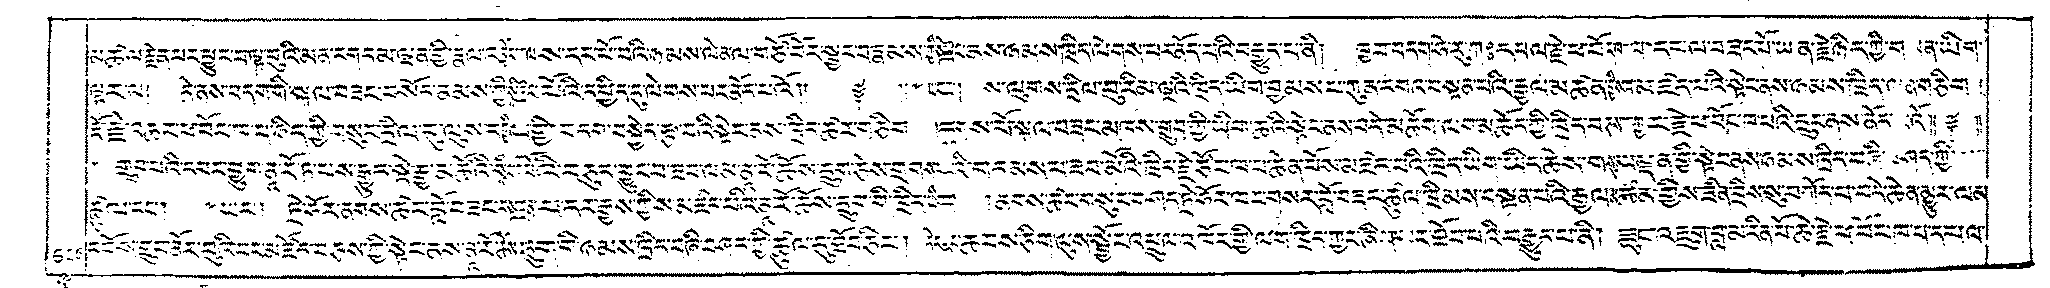མཚལ་རྗེན་པར་ཕྱུང་བ་ལྟ་བུའི་མན་ངག་དམ་ལྡན་གྱི་རྣལ་འབྱོར་ལས་དང་པོ་བའི་ཉམས་ལེན་ལ་གཙོ་བོར་སྦྱར་བ་རྣམས་ཀྱི་སྟེང་ནས་ཉམས་ཁྲིད་ལེགས་པར་ནོད་པའི་བརྒྱུད་པ་ནི། ཁྱབ་བདག་ཧེ་རུ་ཀཿདཔལ་རྗེ་ཕ་བོང་ཁ་པ་དཔལ་བཟང་པོ་ཡན་རྗེ་ཉིད་ཀྱི་གསན་ཡིག །
ལྟར་ལ། དེ་ནས་བདག་གི་སྐལ་བཟང་བསོད་ནམས་ཀྱི་སྙིང་པོའི་དཔྱིད་དུ་ལེགས་པར་ནོད་པའོ།། འ་།།༧ཡང་། ས་ལུགས་དྲིལ་བུ་རིམ་ལྔའི་ཁྲིད་ཡིག་བྱམས་པ་ཀུན་དགའ་བསྟན་པའི་རྒྱལ་མཚན་གྱིས་མཛད་པའི་སྟེང་ནས་ཉམས་ཁྲིད་ལན་གཅིག །
རྡོ་རྗེ་འཆང་ཕ་བོང་ཁ་པ་ཉིད་ཀྱི་གསུང་དྲིལ་བུ་ལུས་དཀྱིལ་གྱི་བདག་བསྐྱེད་རྩ་བའི་སྟེང་ནས་ཁྲིད་ཚར་གཅིག །དྭགས་པོ་སྐལ་བཟང་མཁས་གྲུབ་གྱི་ཡིག་ཆའི་སྟེང་ནས་བདེ་མཆོག་ལག་མཆོད་ཀྱི་ཁྲིད་བཅས་ཀྱང་རྗེ་ཕ་བོང་ཁ་པའི་དྲུང་ནས་ནོད་པའོ།། འ་།།
༧་གྲུབ་པའི་དབང་ཕྱུག་ནཱ་རོ་ཏ་པས་རྒྱུད་སྡེ་རྒྱ་མཚོའི་སྙིང་པོའི་བཅུད་ཕྱུང་བ་ཟབ་ལམ་ནཱ་རོ་ཆོས་དྲུག་ཅེས་གྲགས་པའི་གདམས་པ་ཟབ་མོའི་ཁྲིད་རྗེ་ཚོང་ཁ་པ་ཆེན་པོས་མཛད་པའི་ཁྲིད་ཡིག་ཡིད་ཆེས་གསུམ་ལྡན་གྱི་སྟེང་ནས་ཉམས་ཁྲིད་བཞི་བཤད་ཀྱི་
ཚུལ་དང་། ༧ཡང་། ཏྲེ་ཧོར་ནགས་ཚང་བློ་བཟང་བསྟན་པ་དར་རྒྱས་ཀྱིས་མཛད་པའི་ནཱ་རོ་ཆོས་དྲུག་གི་ཁྲིད་ཡིག །ནགས་ཚང་གསུང་བཤད་ཏྲེ་ཧོར་ཁང་གསར་བློ་བཟང་ཚུལ་ཁྲིམས་བསྟན་པའི་རྒྱལ་མཚན་གྱིས་ཟིན་བྲིས་སུ་བཀོད་པ་བདེ་ཆེན་མྱུར་ལམ་
དངོས་གྲུབ་ནོར་བུའི་བང་མཛོད་བཅས་ཀྱི་སྟེང་ནས་ནཱ་རོ་ཆོས་དྲུག་གི་ཉམས་ཁྲིད་བཞི་བཤད་ཀྱི་ཚུལ་དུ་ཐོབ་ཅིང་། དེ་དང་ཆབས་ཅིག་ལུས་སྦྱོང་འཕྲུལ་འཁོར་གྱི་ལག་ཁྲིད་ཀྱང་ཞིབ་པར་ཐོབ་པའི་བརྒྱུད་པ་ནི། ཟུང་འཇུག་བླ་མ་རིན་པོ་ཆེ་རྗེ་ཕ་བོང་ཁ་པ་དཔལ་